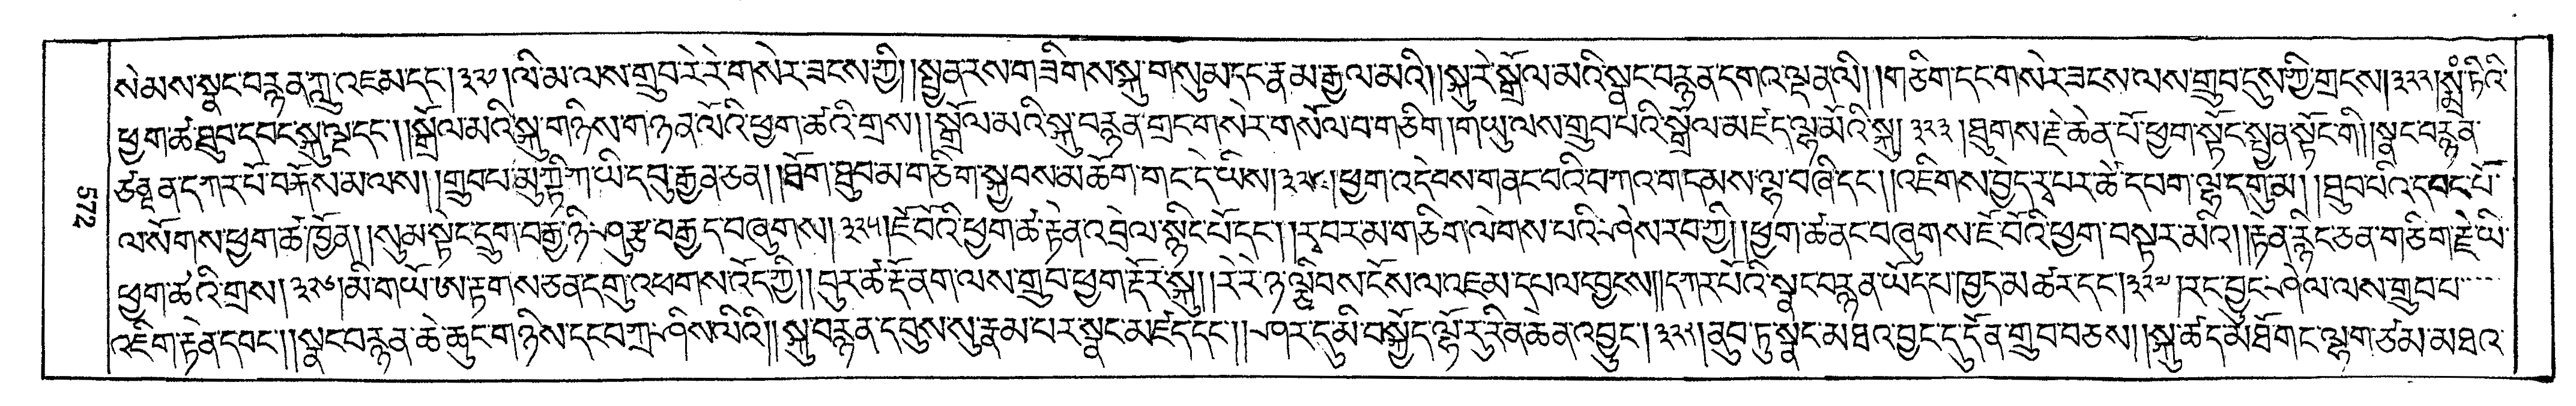སེམས་སྣང་བརྙན་ཀླུ་འཛིམ་དང་། ༣༢༡་།ལི་མ་ལས་གྲུབ་རེ་རེ་གསེར་ཟངས་ཀྱི། །སྤྱན་རས་གཟིགས་སྐུ་གསུམ་དང་རྣམ་རྒྱལ་མའི། །སྐུ་རེ་སྒྲོལ་མའི་སྣང་བརྙན་དགའ་ལྡན་ལི། །གཅིག་དང་གསེར་ཟངས་ལས་གྲུབ་དུས་ཀྱི་གྲངས། ༣༢༢་།སྨྲྀ་ཏིའི་
ཕྱག་ཚ་ཐུབ་དབང་སྐུ་ལྔ་དང་། །སྒྲོལ་མའི་སྐུ་གཉིས་གཉན་ལོའི་ཕྱག་ཚའི་གྲས། །སྒྲོལ་མའི་སྐུ་བརྙན་གྲང་གསེར་གསོལ་བ་གཅིག །གཡུ་ལས་གྲུབ་པའི་སྒྲོལ་མཛད་ལྷ་མོའི་སྐུ། ༣༢༣་།ཐུགས་རྗེ་ཆེན་པོ་ཕྱག་སྟོང་སྤྱན་སྟོང་གི། སྣང་བརྙན་
ཙནྡན་དཀར་པོ་བརྐོས་མ་ལས། །གྲུབ་པ་མུ་ཀྟི་ཀ་ཡི་དབུ་རྒྱན་ཅན། །ཐོག་ཐུབ་མ་གཅིག་སྐྱབས་མཆོག་གང་དེ་ཡིས། ༣༢༤་།ཕྱག་འདེབས་གནང་བའི་བཀའ་གདམས་ལྷ་བཞི་དང་། །འཇིགས་བྱེད་རྭ་པར་ཚེ་དཔག་ལྷ་དགུ་མ། །ཐུབ་པའི་དབང་པོ་
ལ་སོགས་ཕྱག་ཚ་ཁྱོན། །སུམ་སྟོང་དྲུག་བརྒྱ་ཉི་ཤུ་རྩ་བརྒྱད་བཞུགས། ༣༢༥་།ཇོ་བོའི་ཕྱག་ཚ་རྟེན་འབྲེལ་སྙིང་པོ་དང་། །རྭ་པར་མ་གཅིག་ལེགས་པའི་ཤེས་རབ་ཀྱི། །ཕྱག་ཚ་ནང་བཞུགས་ཇོ་བོའི་ཕྱག་བསྟར་མའི། །རྟེན་རྙིང་ཅན་གཅིག་རྗེ་ཡི་
ཕྱག་ཚའི་གྲས། ༣༢༦་།མི་གཡོ་ཨ་རྟགས་ཅན་དགུ་འཕགས་འོད་ཀྱི། །པུར་ཚ་རྡོ་ནག་ལས་གྲུབ་ཕྱག་རྡོར་སྐུ། །རེ་རེ་ཉ་ལྕིབས་ངོས་ལ་འཇམ་དཔལ་དབྱངས། །དཀར་པོའི་སྣང་བརྙན་ཡོད་པ་ཁྱད་མཚར་དང་། ༣༢༧་།རང་བྱུང་ཤེལ་ལས་གྲུབ་པ་
འཇིག་རྟེན་དབང་། །སྣང་བརྙན་ཆེ་ཆུང་གཉིས་དང་བཀྲ་ཤིས་ལིའི། །སྐུ་བརྙན་དབུས་སུ་རྣམ་པར་སྣང་མཛད་དང་། །ཤར་དུ་མི་བསྐྱོད་ལྷོ་རུ་རིན་ཆེན་འབྱུང་། ༣༢༨་།ནུབ་ཏུ་སྣང་མཐའ་བྱང་དུ་དོན་གྲུབ་བཅས། །སྐུ་ཚད་མཐོ་གང་ལྷག་ཙམ་མཐའ་